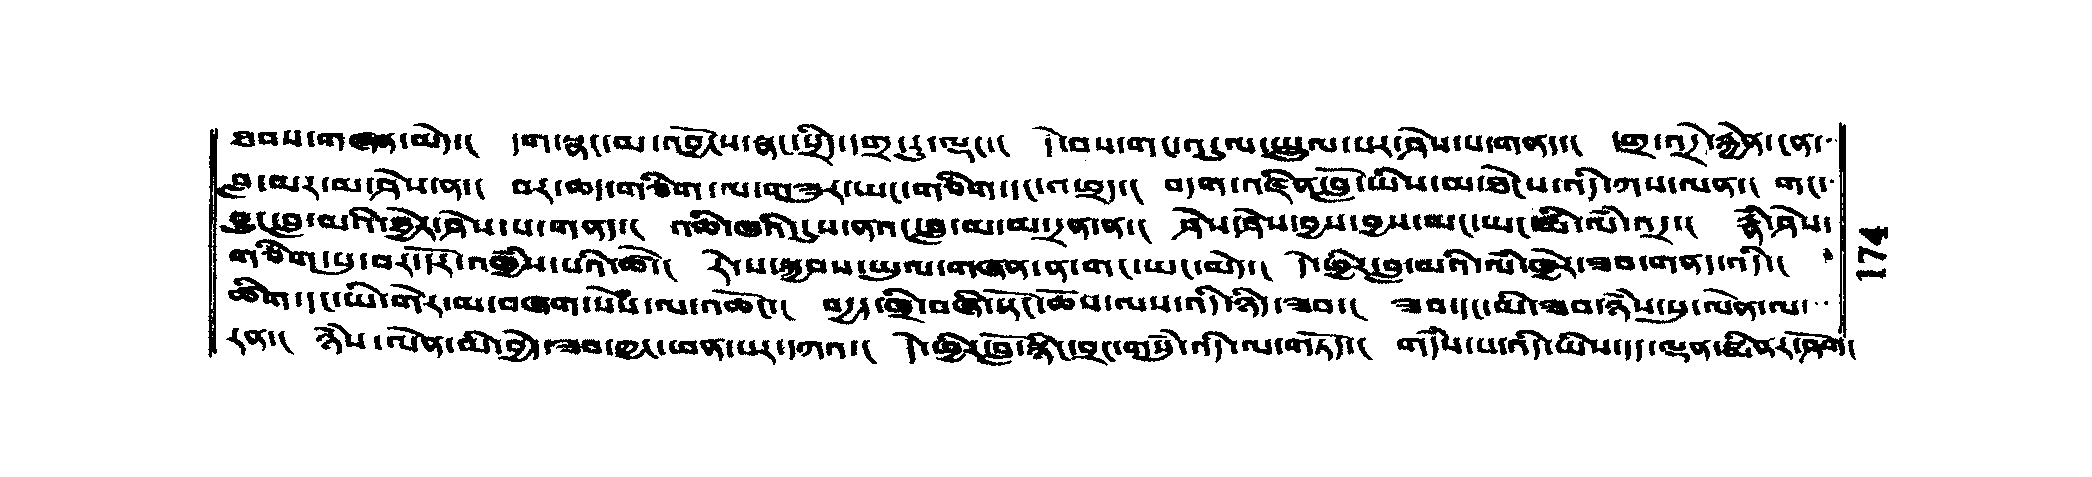ཐབས་གཞན་མེད། །དག་སྣང་མ་འབྱོངས་སྣང་སྲིད་དགྲ་རུ་ལྡང་། །དེ་བས་གང་འདུལ་སྤྲུལ་པར་ཤེས་པ་གནད། །དགྲ་འདྲེ་རྐྱེན་ངན་
བླ་མར་མ་ཤེས་ན། །བར་ཆད་གཅིག་ལ་ཟུར་ཡང་གཅིག་དང་འཕྲད། །བདག་འཛིན་བློ་ཡིས་མ་ཐོངས་འདི་ཀས་ལན། །གང་
བྱུང་བླ་མའི་ཐུགས་རྗེར་ཤེས་པ་གནད། །འཆི་ཁའི་དུས་ནས་བླ་མ་མ་དྲན་ན། །ཤེས་ཤེས་བྱས་བྱས་མང་ཡང་རྨི་ལམ་འདྲ། །རྣམ་ཤེས་
གཅིག་པུ་བར་དོར་འཁྱམས་པའི་ཚེ། །རེ་ས་སྐྱབས་ཡུལ་གཞན་ན་གང་ཡང་མེད། །དེ་ཕྱིར་བླ་མའི་ལམ་ཁྱེར་ཟབ་གནད་འདི། །
ཚིག་དང་ཡི་གེར་མ་བཞག་སེམས་ལ་འཆོང་། །བརྒྱད་ཁྲི་བཞི་སྟོང་ཆོས་ལས་འདི་ཉིད་ཟབ། །ཟབ་དང་མི་ཟབ་ཉམས་སུ་ལེན་ལ་
རན། །ཉམས་ལེན་མི་བྱེད་ཟབ་ཀྱང་ཕན་པར་དཀའ། །དེ་ཕྱིར་བློ་སྙིང་བྲང་གསུམ་འདི་ལ་གཏོད། གདམས་པ་འདི་ཡིས་དད་ལྡན་སྨིན་པར་ཤོག